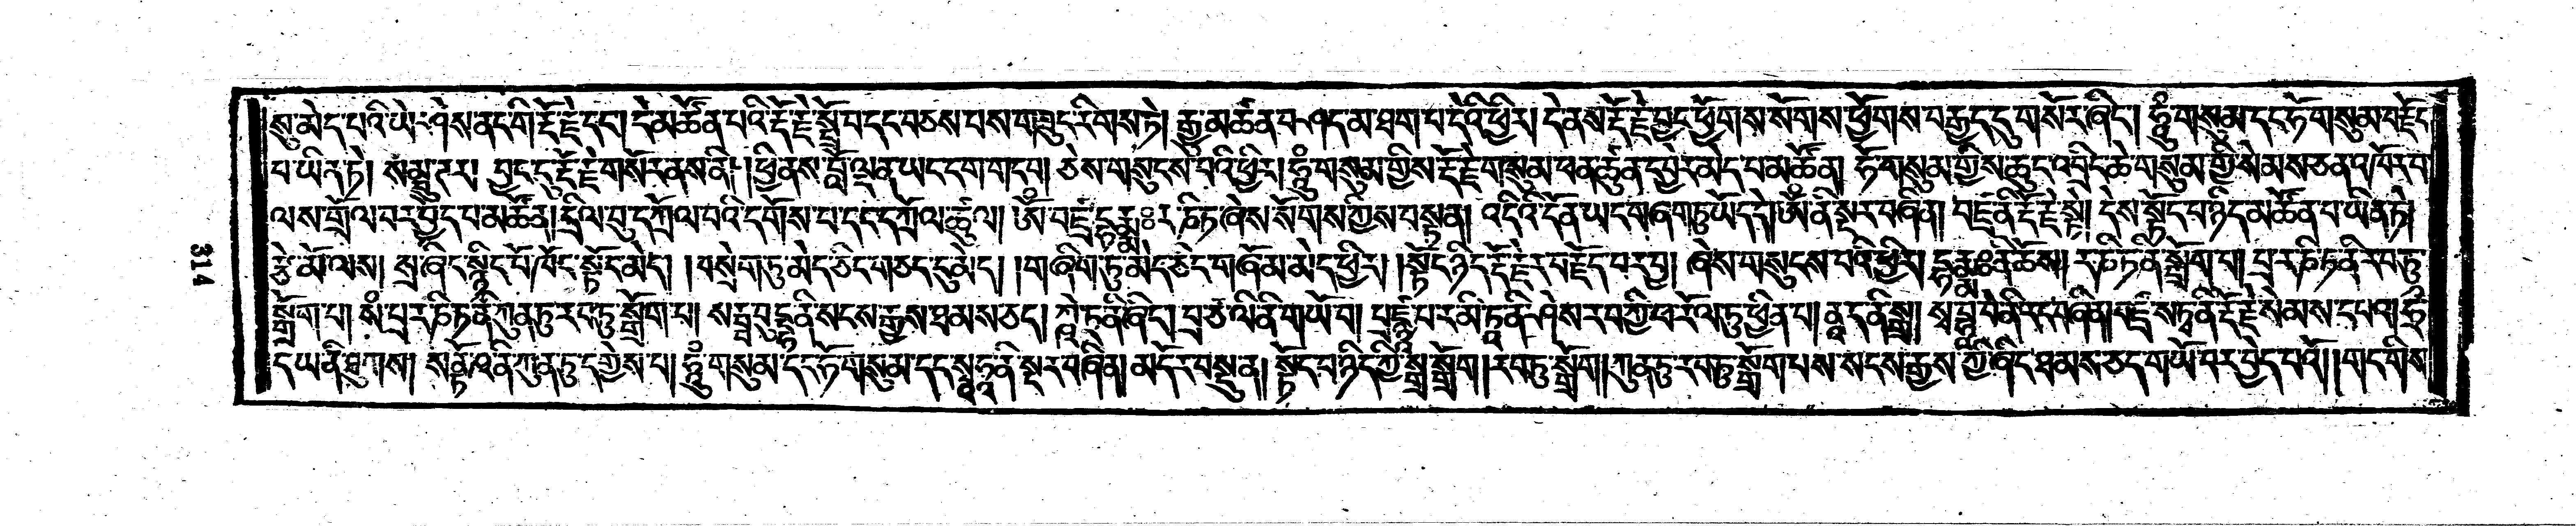སུ་མེད་པའི་ཡེ་ཤེས་ནང་གི་རྡོ་རྗེ་དང་། དེ་མཚོན་པའི་རྡོ་རྗེ་སྤྲོ་བ་དང་བཅས་པས་གཟུང་རིགས་ཏེ། རྒྱུ་མཚན་བཤད་མ་ཐག་པ་དེའི་ཕྱིར། དེ་ནས་རྡོ་རྗེ་བྱང་ཕྱོགས་སོགས་ཕྱོགས་བརྒྱད་དུ་གསོར་ཞིང་། ཧཱུཾ་གསུམ་དང་ཧོ་གསུམ་བརྗོད་
པ་ཡིན་ཏེ། སམྦུ་ཊར། བྱང་དུ་རྡོ་རྗེ་གསོར་ནས་ནི། །ཕྱི་ནས་བློ་ལྡན་ཡང་དག་གང་བ། ཅེས་གསུངས་པའི་ཕྱིར། ཧཱུཾ་གསུམ་གྱིས་རྡོ་རྗེ་གསུམ་ཕན་ཚུན་དབྱེར་མེད་པ་མཚོན། ཧོ་གསུམ་གྱིས་ཆུང་འབྲིང་ཆེ་གསུམ་གྱི་སེམས་ཅན་འཁོར་བ་
ལས་གྲོལ་བར་བྱེད་པ་མཚོན། དྲིལ་བུ་དཀྲོལ་བའི་དགོས་པ་དང་དཀྲོལ་ཚུལ། ཨོཾ་བཛྲ་དྷརྨྨཿ ར་ཎི་ཏ་ཞེས་སོགས་ཀྱིས་བསྟན། འདིའི་དོན་ཡང་གཞག་ཏུ་ཡོད་དེ། ཨོཾ་ནི་སྔར་བཞིན། བཛྲ་ནི་རྡོ་རྗེ་སྟེ། དེས་སྟོང་པ་ཉིད་མཚོན་པ་ཡིན་ཏེ།
རྩེ་མོ་ལས། སྲ་ཞིང་སྙིང་པོ་ཁོང་སྟོང་མེད། །བསྲེག་ཏུ་མེད་ཅིང་གཅད་དུ་མེད། །གཞིག་ཏུ་མེད་ཅིང་གཉིས་མེད་ཕྱིར། །སྟོང་ཉིད་རྡོ་རྗེར་བརྗོད་པར་བྱ། ཞེས་གསུངས་པའི་ཕྱིར། དྷརྨྨཿ ནི་ཆོས། ར་ཎི་ཏ་ནི་སྒྲོག་པ། པྲ་ར་ཎི་ཏ་ནི་རབ་ཏུ་
སྒྲོག་པ། སཾ་པྲ་ར་ཎི་ཏ་ནི་ཀུན་ཏུ་རབ་ཏུ་སྒྲོག་པ། སརྦྦ་བུདྡྷ་ནི་སངས་རྒྱས་ཐམས་ཅད། ཀྵི་ཏྲ་ནི་ཞིང་། པྲ་ཙ་ལི་ནི་གཡོ་བ། པྲཛྙཱ་པ་ར་མི་ཏཱ་ནི་ཤེས་རབ་ཀྱི་ཕ་རོལ་ཏུ་ཕྱིན་པ། ནཱ་ད་ནི་སྒྲ། སྭ་བྷཱ་བ་ནི་རང་བཞིན། བཛྲ་སཏྭ་ནི་རྡོ་རྗེ་སེམས་དཔའ། ཧྲྀ་
ད་ཡ་ནི་ཐུགས། སནྟོ་ཥ་ནི་ཀུན་ཏུ་དགྱེས་བ། ཧཱུཾ་གསུམ་དང་ཧོ་གསུམ་དང་སྭཱཧཱ་ནི་སྔར་བཞིན། མདོར་བསྡུ་ན། སྟོང་པ་ཉིད་ཀྱི་སྒྲ་སྒྲོག །རབ་ཏུ་སྒྲོག །ཀུན་ཏུ་རབ་ཏུ་སྒྲོག་པས་སངས་རྒྱས་ཀྱི་ཞིང་ཐམས་ཅད་གཡོ་བར་བྱེད་པའོ། །གང་གིས་